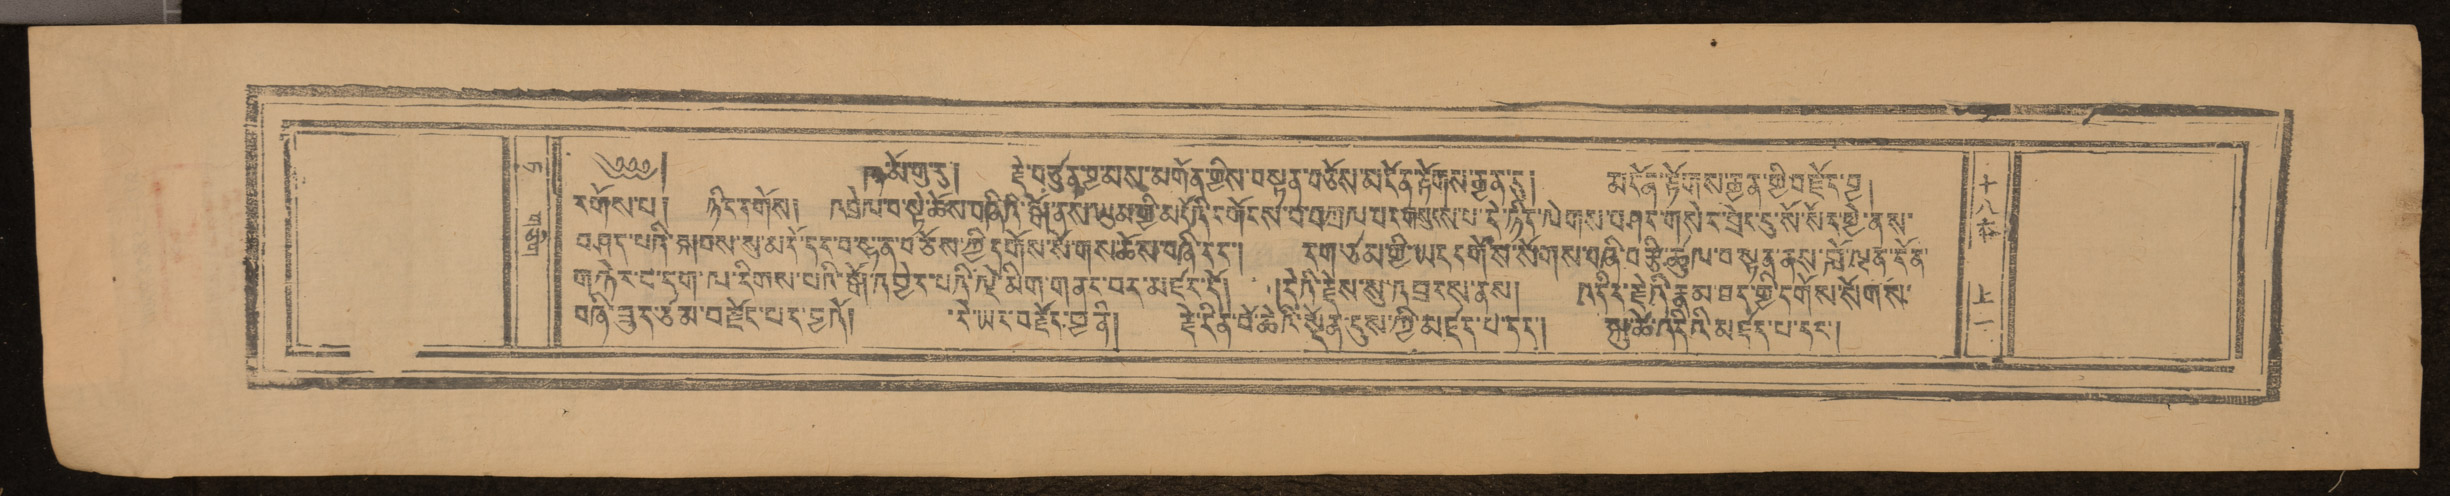༄༅༅། །ན་མོ་གུ་རུ། །རྗེ་བཙུན་བྱམས་མགོན་གྱིས་བསྟན་བཅོས་མངོན་རྟོགས་རྒྱན་དུ། །མངོན་རྟོགས་རྒྱན་གྱི་བརྗོད་བྱ།
དགོས་པ། །ཉིད་དགོས། འབྲེལ་བ་སྟེ་ཆོས་བཞིའི་སྒོ་ནས་ཡུམ་གྱི་མདོའི་དགོངས་པ་བཀྲལ་བར་གསུངས་བ་དེ་ཉིད་ལེགས་བཤད་གསེར་ཕྲེང་དུ་སོ་སོར་ཕྱེ་ནས་
བཤད་པའི་སྐབས་ཟུ་མདོ་དང་བསྟན་བཅོས་ཀྱི་དགོས་སོགས་ཆོས་བཞི་དང་། དག་ཙམ་གྱི་ཡང་དགོས་སོགས་བཞི་བརྩི་ཚུལ་བསྟན་ནས་བློ་ལྡན་དོན་
གཉེར་བདག་ལ་རིགས་བའི་སྒོ་འབྱེད་བའི་ལྡེ་མིག་གནང་བར་མཛད་དོ། །དེའི་རྗེས་སུ་འབྲངས་ནས། །འདིར་རྗེའི་རྣམ་ཐར་གྱི་དགོས་སོགས་
བཞི་ཟུར་ཙམ་བརྗོད་བར་བྱའོ། །དེ་ཡང་བརྗོད་བྱ་ནི། །རྗེ་རིན་པོ་ཆེའི་སྔོན་དུས་ཀྱི་མཛད་པ་དང་། སྐུ་ཚེ་འདིའི་མཛད་པ་དང་།